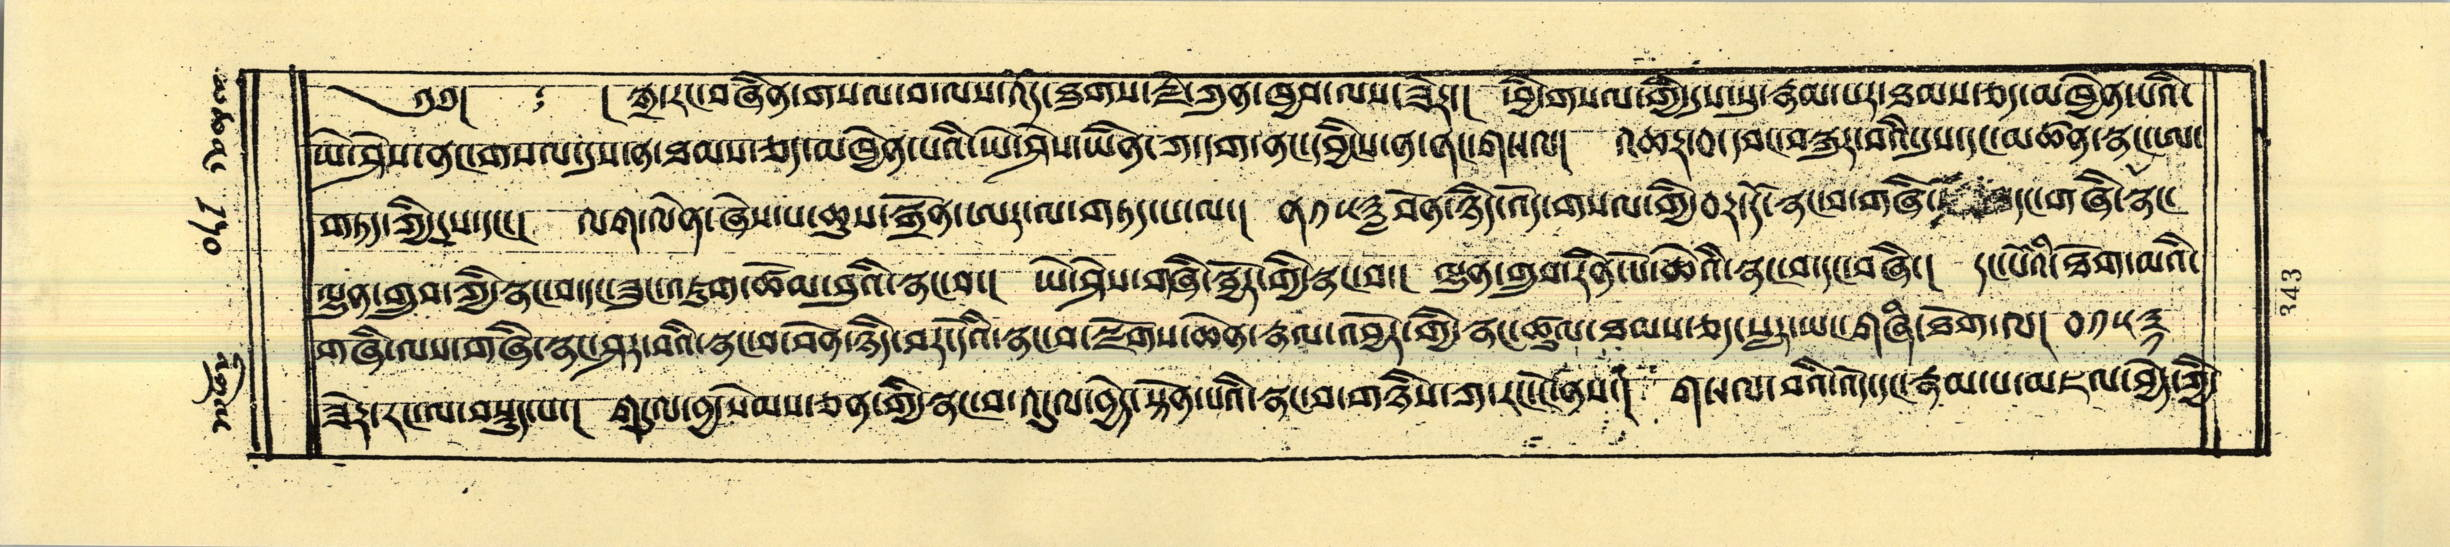༼སྒྲ་༽རང་བཞིན་གསལ་བ་ལས་ ༼འོད་༽ཐུགས་རྗེ་ཀུན་ཁྱབ་ལས་ ༼ཟེར།༽ཕྱི་གསལ་གྱི་དུས་སུ་རྣམ་པར་ཐམས་ཅད་མཁྱེན་པའི་ཡེ་ཤེས་ནང་གསལ་དུས་ན་ཐམས་ཅད་མཁྱེན་པའི་
ཡེ་ཤེས་ཡིན་ཀ་དག་ནང་དབྱིངས་ན་ ༼ནང་གསལ།༽ ༼འཆར་བ་༽དབང་བསྐུར་བའི་དུས་དང་མཚན་སྣང་ཨ་
གཏད་ཀྱི་དུས་དང། ༼ལག་ལེན་༽ཞེས་པ་ཆུས་སྒྲོན་ཨར་ལ་གཏད་པ་ལ། ན༡༥༣།༤ བོན་ཉིད་འོད་གསལ་གྱི་ ༼བར་དོ་༽སྣང་བ་གཞི་དང་གཞི་སྣང་
ལྷུན་གྲུབ་ཀྱི་སྣང་བ་དང་ཟུང་འཇུག་ཚོམ་བུའི་སྣང་བ། ཡེ་ཤེས་བཞི་སྦྱོར་གྱི་སྣང་བ། ལྷུན་གྲུབ་རིན་པོ་ཆེའི་སྣང་བ་དང་བཞི། ༼དང་པོའི་༽ཐོག་མའི་
གཞི་ལས་གཞི་སྣང་ཤར་བའི་སྣང་བ་བོན་ཉིད་བར་དོའི་སྣང་བ་སྫོགས་ཆེན་རྣལ་འབྱོར་གྱི་སྣང་ཚུལ་ཐམས་ཅད་སླར་ཡང་ ༼གཞི་༽ཐོག་ ༼ལ།༽བ༡༥༣།༡ 
ཟེར་༽རང་ལ་བསྡུད་པ། ༼གདུལ་བྱ་༽སེམས་ཅན་གྱི་སྣང་བ་ ༼འདུལ་བྱེད་༽སྟོན་པའི་སྣང་བ་གཉིས་ཀ་རང་ངོ་ནས། ༼གསལ་༽བའི་འོད་དང་རྣམ་པ་མཇལ་བྱེད་ཀྱི་